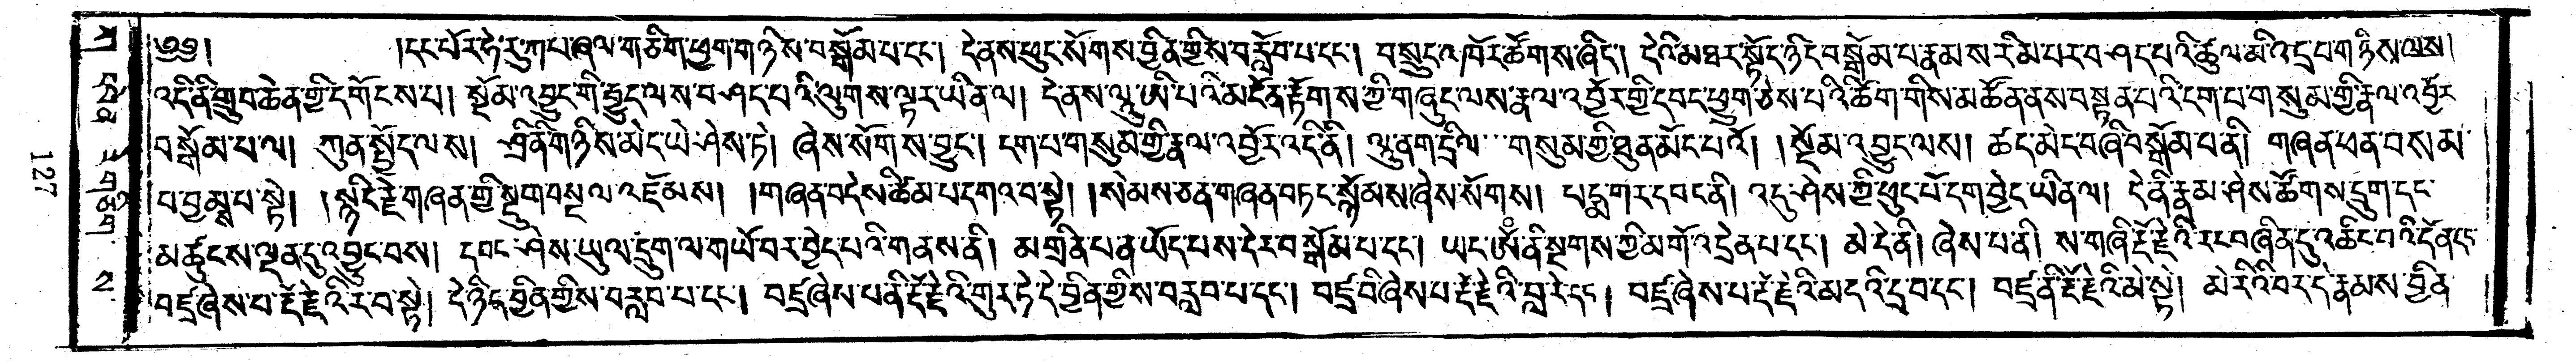༄༅། །དང་པོར་ཧེ་རུ་ཀ་པ་ཞལ་གཅིག་ཕྱག་གཉིས་བསྒོམ་པ་དང་། དེ་ནས་ཕུང་སོགས་བྱིན་གྱིས་བརློབ་པ་དང་། བསྲུང་འཁོར་ཚོགས་ཞིང་། དེའི་མཐར་སྟོང་ཉིད་བསྒོམ་པ་རྣམས་རིམ་པར་བཤད་པའི་ཚུལ་མི་འདྲ་པ་གཉིས་ལས།
འདི་ནི་གྲུབ་ཆེན་གྱི་དགོངས་པ། སྡོམ་འབྱུང་གི་རྒྱུད་ལས་བཤད་པའི་ལུགས་ལྟར་ཡིན་ལ། དེ་ནས་ལཱུ་ཨི་པའི་མངོན་རྟོགས་ཀྱི་གཞུང་ལས་རྣལ་འབྱོར་གྱི་དབང་ཕྱུག་ཅེས་པའི་ཚིག་གིས་མཚོན་ནས་བསྟན་པའི་ངག་པ་གསུམ་གྱི་རྣལ་འབྱོར་
བསྒོམ་པ་ལ། ཀུན་སྤྱོད་ལས། ཤྲི་ནི་གཉིས་མེད་ཡེ་ཤེས་ཏེ། ཞེས་སོགས་བྱུང་། དག་པ་གསུམ་གྱི་རྣལ་འབྱོར་འདི་ནི། ལཱུ་ནག་དྲིལ་གསུམ་གྱི་ཐུན་མོང་པའོ། །སྡོམ་འབྱུང་ལས། ཚད་མེད་བཞི་བསྒོམ་པ་ནི། གཞན་ཕན་བསམ་
པ་བྱམས་པ་སྟེ། །སྙིང་རྗེ་གཞན་གྱི་སྡུག་བསྔལ་འཇོམས། །གཞན་བདེས་ཚིམ་པ་དགའ་བ་སྟེ། །སེམས་ཅན་གཞན་བཏང་སྙོམས་ཞེས་སོགས། པདམ་གར་དབང་ནི། འདུ་ཤེས་ཀྱི་ཕུང་པོ་དག་བྱེད་ཡིན་ལ། དེ་ནི་རྣམ་ཤེས་ཚོགས་དྲུག་དང་
མཚུངས་ལྡན་དུ་འབྱུང་བས། དབང་ཤེས་ཡུལ་དྲུག་ལ་གཡོ་བར་བྱེད་པའི་གནས་ནི། མགྲིན་པ་ན་ཡོད་པས་དེར་བསྒོམ་པ་དང་། ཡང་ཨོཾ་ནི་སྔགས་ཀྱི་མགོ་འདྲེན་པ་དང་། མེ་དེ་ནི། ཞེས་པ་ནི། ས་གཞི་རྡོ་རྗེའི་རང་བཞིན་དུ་འཆིང་བའི་དོན་དང་
བཛྲ་ཞེས་པ་རྡོ་རྗེའི་རབ་སྟེ། དེ་ཉིད་བྱིན་གྱིས་བརླབ་པ་དང་། བཛྲ་ཞེས་པ་ནི་རྡོ་རྗེའི་གུར་ཏེ་དེ་བྱིན་གྱིས་བརླབ་པ་དང་། བཛྲ་བི་ཞེས་པ་རྡོ་རྗེའི་བླ་རེ་དང་། བཛྲ་ཞེས་པ་རྡོ་རྗེའི་མདའི་དྲ་བ་དང་། བཛྲ་ནི་རྡོ་རྗེའི་མེ་སྟེ། མེ་རིའི་བར་དེ་རྣམས་བྱིན་